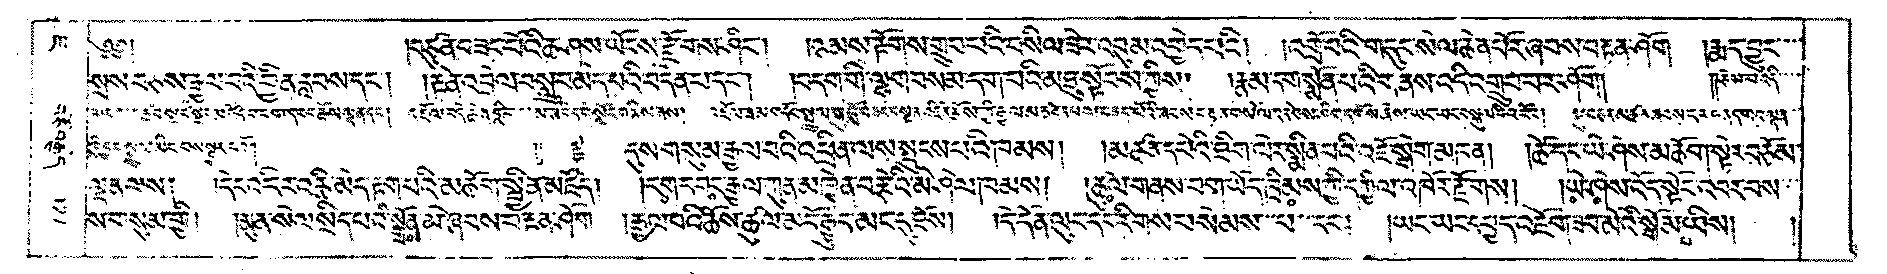༄༅། །བཙུན་བཟང་པོའི་ཆ་ཤས་ཡོངས་རྫོགས་ཤིང་། །ཉམས་རྟོགས་གྲུབ་པའི་བསིལ་ཟེར་འབུམ་འགྱེད་པའི། །འགྲོ་བའི་གདུང་སེལ་ཆེན་པོར་ཞབས་བརྟན་ཤོག །རྨད་བྱུང་
སྲས་བཅས་རྒྱལ་བའི་བྱིན་རླབས་དང་། །རྟེན་འབྲེལ་བསླུ་བ་མེད་པའི་བདེན་པ་དང་། །བདག་གི་ལྷག་བསམ་དག་པའི་མཐུ་སྟོབས་ཀྱིས། །རྣམ་དག་སྨོན་པའི་གནས་འདི་འགྲུབ་པར་ཤོག ། །།ཅེས་པ་འདི་
ཡང་ཚ་བ་སྤང་སྒང་མཛོད་པ་ངག་དབང་ཆོས་ལྡན་དང་། འཇོལ་བདེ་ཆེན་གླིང་སྐམ་ཞིང་དགེ་སློང་གཉིས་ནས། འཇོལ་ཟམ་གདོང་སྤྲུལ་སྐུ་བློ་བཟང་བསྟན་འཛིན་ཆོས་ཀྱི་རྒྱལ་མཚན་དཔལ་བཟང་པོའི་ཞབས་བརྟན་གསོལ་འདེབས་ཤིག་དགོས་ཞེས་ཡང་ཡང་བསྐུལ་བའི་ངོར། སྐུ་བཅར་མཚན་ཞབས་དར་ཧན་དགའ་ལྡན་
ཁྲི་བྱང་སྤྲུལ་མིང་བས་སྦྱར་བའོ།། །། ༈ དུས་གསུམ་རྒྱལ་བའི་འཕྲིན་ལས་སྤུངས་པའི་ཁམས། །མཚན་དཔེའི་ཐིག་ལེར་སྨིན་པའི་འཇོ་སྒེག་མཁན། །ཚེ་དང་ཡེ་ཤེས་མཆོག་སྟེར་བཅོམ་
ལྡན་ལས། །དེང་འདིར་འཆི་མེད་རྟག་པའི་མཆོག་སྦྱིན་མཛོད། །ངག྾་དབང྾་རྒྱལ་ཀུན་མཁྱེན་བརྩེའི་མེ་ཤེལ་ཁམས། །ཚུལ྾་གནས་བག་ཡོད་ཁྲིམས྾་ཀྱི་དཀྱིལ་འཁོར་རྫོགས། །ཡེ྾་ཤེས྾་འོད་སྟོང་འབར་བས་
ས་གསུམ་གྱི། །མུན་སེལ་སྲིད་པའི་སྒྲོན྾་མེ་ཞབས་བརྟན་ཤོག །རྒྱལ་བའི་ཆོས་ཚུལ་མདོ་རྒྱུད་མང་དུ་ཐོས། །དེ་དོན་ལུང་དང་རིགས་པ་སེམས་པ་དང་། །ཡང་ཡང་དཔྱད་འཇོག་ཟབ་མོའི་སྒོམ་པ་ཡིས། །